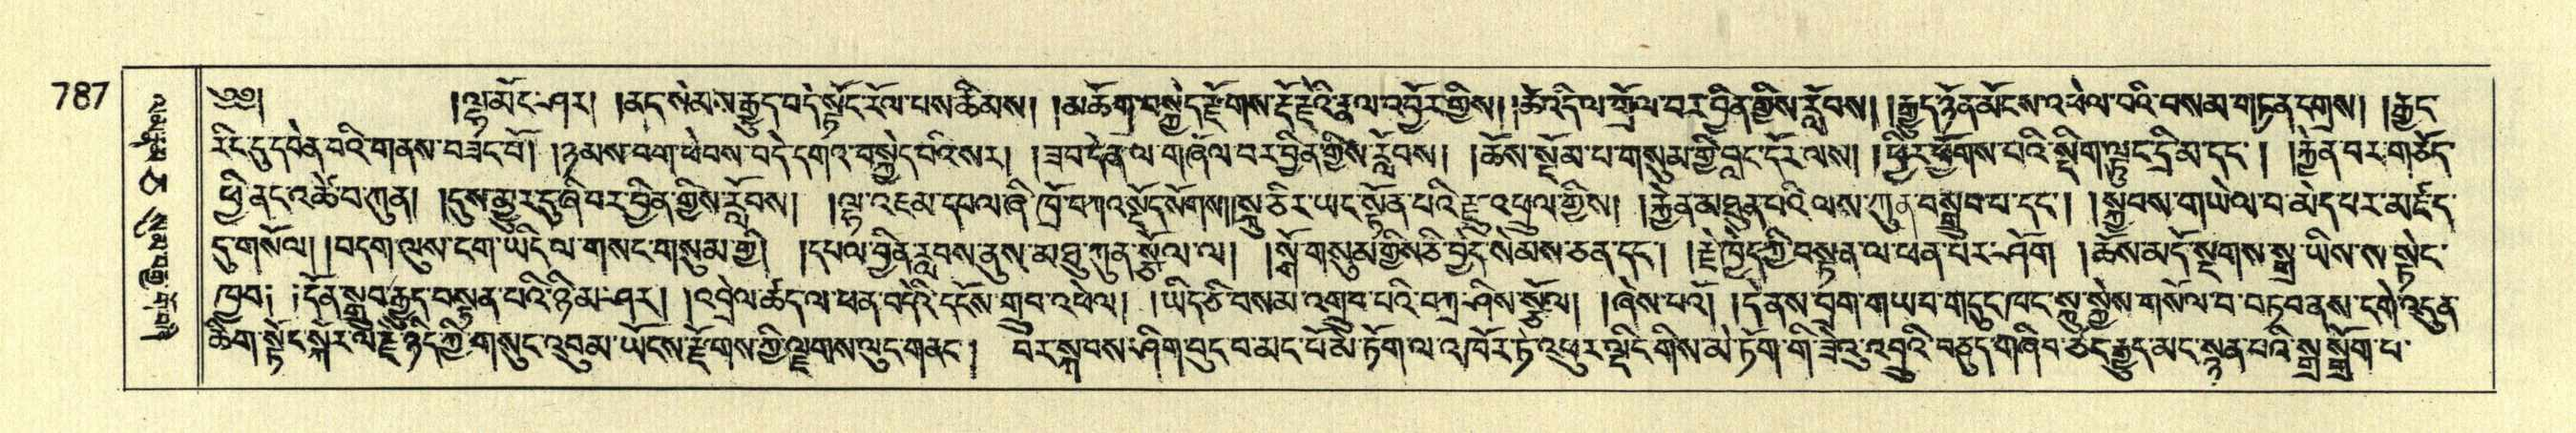༄༅། །ལྷ་མོང་ཤར། །ནད་སེམས་རྒྱུད་བདེ་སྟོང་རོལ་པས་ཚིམས། །མཆོག་བསྐྱེད་རྫོགས་རྡོ་རྗེའི་རྣལ་འབྱོར་གྱིས། །ཚེ་འདི་ལ་གྲོལ་བར་བྱིན་གྱིས་རློབས། །རྒྱུད་ཉོན་མོངས་འཕེལ་བའི་བསམ་གཏན་དགྲས། །རྒྱང་
རིང་དུ་དབེན་པའི་གནས་བཟང་པོ། །ཉམས་བག་ཕེབས་བདེ་དགའ་བསྐྱེད་པའི་སར། །ཟབ་དོན་ལ་གཞོལ་བར་བྱིན་གྱིས་རློབས། །ཆོས་སྡོམ་པ་གསུམ་གྱི་བླང་དོར་ལས། །ཕྱིར་ཕྱོགས་པའི་སྡིག་ལྟུང་དྲི་མ་དང་། །རྐྱེན་བར་གཅོད་
ཕྱི་ནང་འཚེ་བ་ཀུན། །དུས་མྱུར་དུ་ཞི་བར་བྱིན་གྱིས་རློབས། །ལྷ་འཇམ་དཔལ་ཞི་ཁྲོ་བཀའ་སྡོད་སོགས། །སྐུ་ཅིར་ཡང་སྟོན་པའི་རྫུ་འཕྲུལ་གྱིས། །རྐྱེན་མཐུན་པའི་ལས་ཀུན་བསྒྲུབ་པ་དང་། །སྐྱབས་གཡེལ་བ་མེད་པར་མཛད་
དུ་གསོལ། །བདག་ལུས་ངག་ཡིད་ལ་གསང་གསུམ་གྱི། །དཔལ་བྱིན་རླབས་ནུས་མཐུ་ཀུན་སྩོལ་ལ། །སྒོ་གསུམ་གྱིས་ཅི་བྱེད་སེམས་ཅན་དང་། །རྗེ་ཁྱེད་ཀྱི་བསྟན་ལ་ཕན་པར་ཤོག །ཆོས་མདོ་སྔགས་སྒྲ་ཡིས་ས་སྟེང་
ཁྱབ༑ ༑དོན་སྒྲུབ་བརྒྱུད་བསྟན་པའི་ཉི་མ་ཤར། །འབྲེལ་ཚད་ལ་ཕན་བདེའི་དངོས་གྲུབ་འཕེལ། །ཡིད་ཅི་བསམ་འགྲུབ་པའི་བཀྲ་ཤིས་སྩོལ། །ཞེས་པའོ། །དེ་ནས་བྲག་གཡབ་གདུང་ཁང་སྐུ་སྐྱེས་གསོལ་བ་བཏབ་ནས་དགེ་འདུན་
ཚིག་སྟོང་སྐོར་ལ་རྗེ་ཉིད་ཀྱི་གསུང་འབུམ་ཡོངས་རྫོགས་ཀྱི་ལྗངས་ལུང་གནང་། བར་སྐབས་ཤིག་བུང་བ་མང་པོ་མེ་ཏོག་ལ་འཁོར་ཏེ་འཕུར་ལྡིང་གིས་མེ་ཏོག་གི་ཟེའུ་འབྲུའི་བཅུད་གཞིབ་ཙང་རྒྱུད་མང་སྙན་པའི་སྒྲ་སྒྲོག་པ་